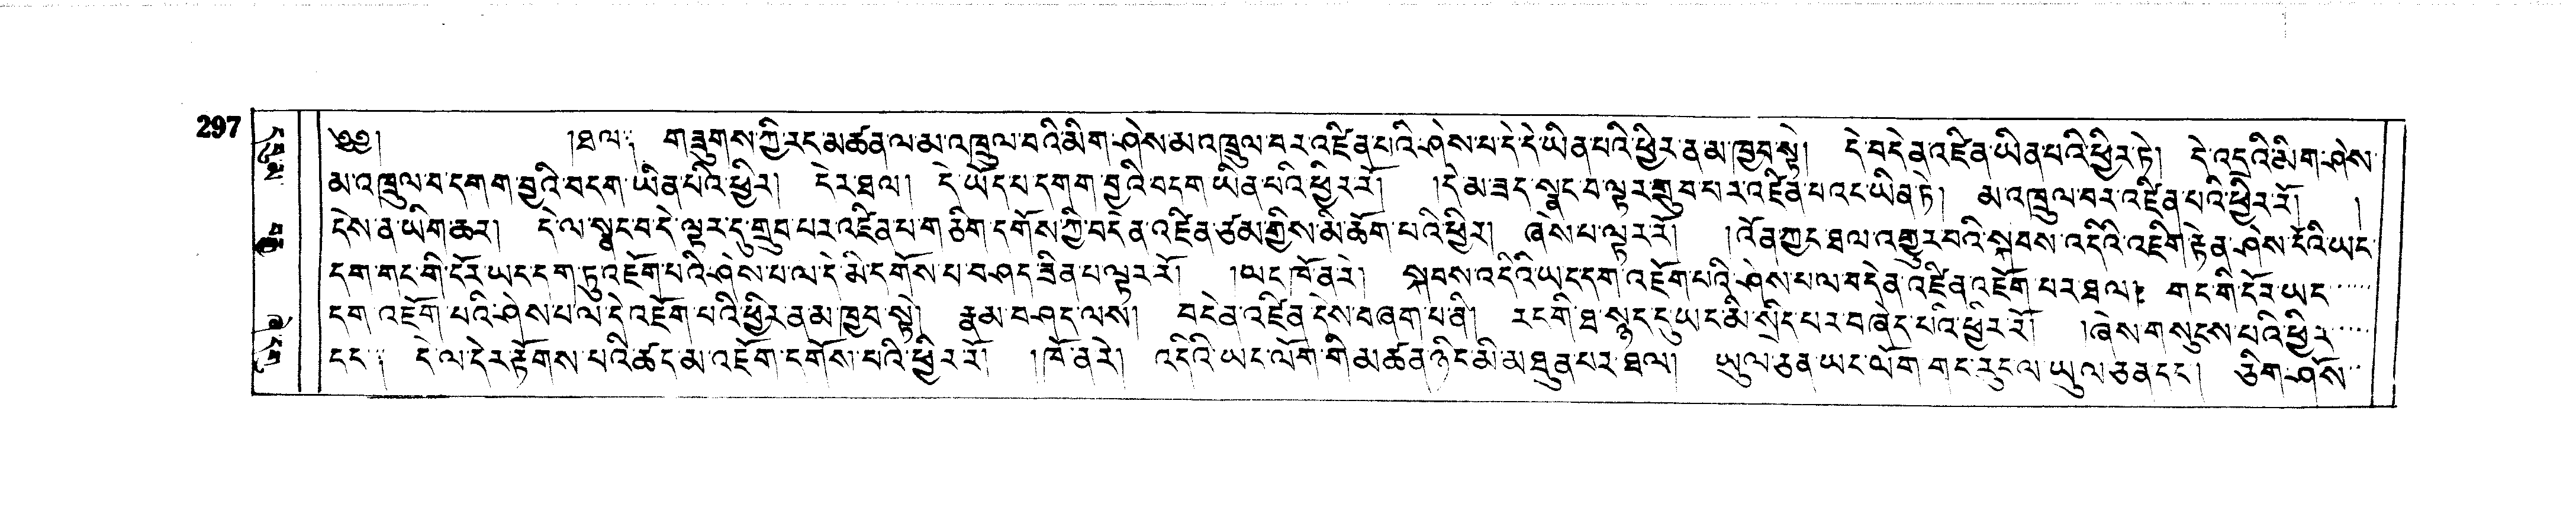༄༅། །ཐལ། གཟུགས་ཀྱི་རང་མཚན་ལ་མ་འཁྲུལ་བའི་མིག་ཤེས་མ་འཁྲུལ་བར་འཛིན་པའི་ཤེས་པ་དེ་དེ་ཡིན་པའི་ཕྱིར་ན་མ་ཁྱབ་སྟེ། དེ་བདེན་འཛིན་ཡིན་པའི་ཕྱིར་ཏེ། དེ་འདྲའི་མིག་ཤེས་
མ་འཁྲུལ་བ་དགག་བྱའི་བདག་ཡིན་པའི་ཕྱིར། དེར་ཐལ། དེ་ཡོད་པ་དགག་བྱའི་བདག་ཡིན་པའི་ཕྱིར་རོ། །དེ་མ་ཟད་སྣང་བ་ལྟར་གྲུབ་པར་འཛིན་པའང་ཡིན་ཏེ། མ་འཁྲུལ་བར་འཛིན་པའི་ཕྱིར་རོ། །
དེས་ན་ཡིག་ཆར། དེ་ལ་སྣང་བ་དེ་ལྟར་དུ་གྲུབ་པར་འཛིན་པ་གཅིག་དགོས་ཀྱི་བདེན་འཛིན་ཙམ་གྱིས་མི་ཆོག་པའི་ཕྱིར། ཞེས་པ་ལྟར་རོ། །འོན་ཀྱང་ཐལ་འགྱུར་བའི་སྐབས་འདིའི་འཇིག་རྟེན་ཤེས་ངོའི་ཡང་
དག་གང་གི་ངོར་ཡང་དག་ཏུ་འཇོག་པའི་ཤེས་པ་ལ་དེ་མི་དགོས་པ་བཤད་ཟིན་པ་ལྟར་རོ། །ཡང་ཁོ་ན་རེ། སྐབས་འདིའི་ཡང་དག་འཇོག་པའི་ཤེས་པ་ལ་བདེན་འཛིན་འཇོག་པར་ཐལ། གང་གི་ངོར་ཡང་
དག་འཇོག་པའི་ཤེས་པ་ལ་དེ་འཇོག་པའི་ཕྱིར་ན་མ་ཁྱབ་སྟེ། རྣམ་བཤད་ལས། བདེན་འཛིན་དེས་བཞག་པ་ནི། རང་གི་ཐ་སྙད་དུ་ཡང་མི་སྲིད་པར་བཞེད་པའི་ཕྱིར་རོ། །ཞེས་གསུངས་པའི་ཕྱིར་
དང་། དེ་ལ་དེར་རྟོགས་པའི་ཚད་མ་འཇོག་དགོས་པའི་ཕྱིར་རོ། །ཁོ་ན་རེ། འདིའི་ཡང་ལོག་གི་མཚན་ཉིད་མི་མཐུན་པར་ཐལ། ཡུལ་ཅན་ཡང་ལོག་གང་རུང་ལ་ཡུལ་ཅན་དང་། ཅིག་ཤོས་